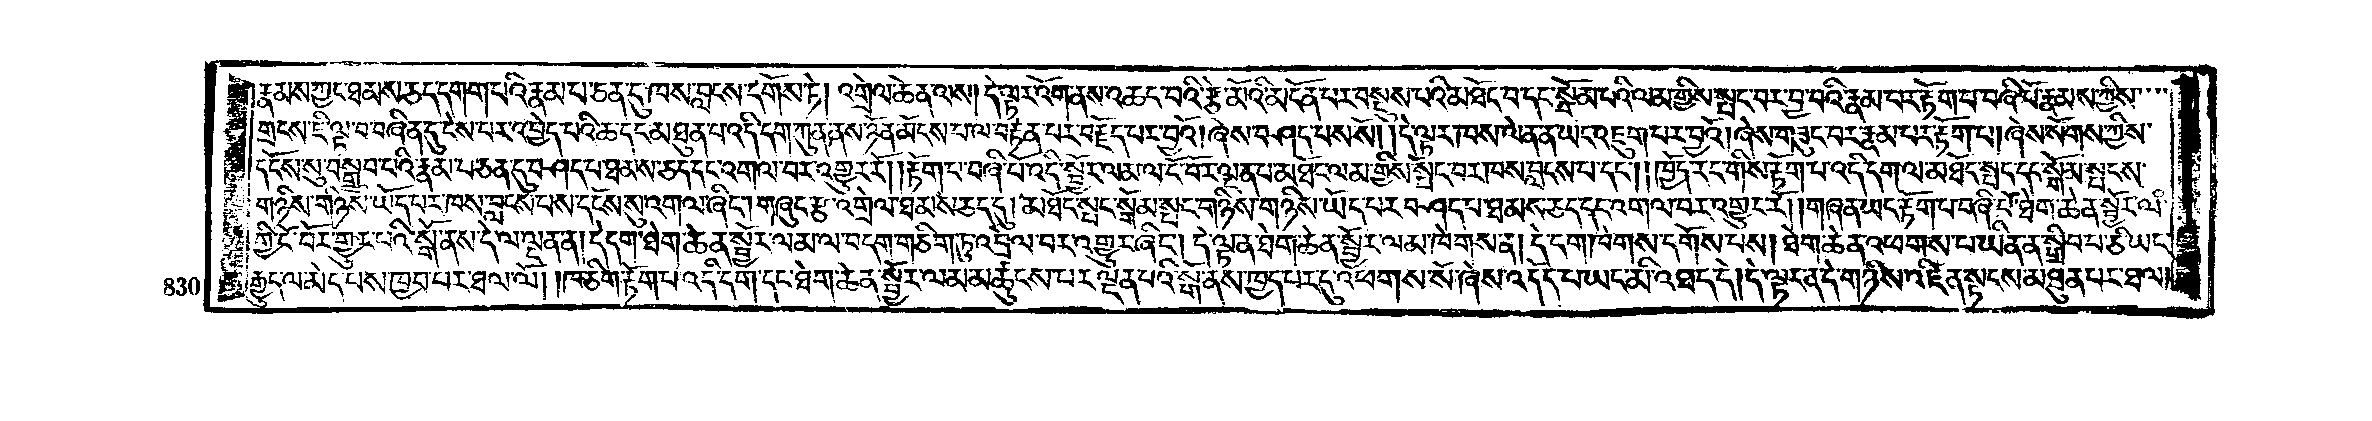རྣམས་ཀྱང་ཐམས་ཅད་དགག་པའི་རྣམ་པ་ཅན་དུ་ཁས་བླངས་དགོས་ཏེ། འགྲེལ་ཆེན་ལས། དེ་ལྟར་འོག་ནས་འཆད་བའི་རྩེ་མོའི་མངོན་པར་བསྡུས་པའི་མཐོང་བ་དང་སྒོམ་པའི་ལམ་གྱིས་སྤང་བར་བྱ་བའི་རྣམ་པར་རྟོག་པ་བཞི་པོ་རྣམས་ཀྱིས་
གྲངས་ཇི་ལྟ་བ་བཞིན་དུ་ངེས་པར་འབྱེད་པའི་ཆ་དང་མཐུན་པ་འདི་དག་ཀུན་ནས་ཉོན་མོངས་པ་ལ་བརྟེན་པར་བརྗོད་པར་བྱའོ། ཞེས་བཤད་པས་སོ། །དེ་ལྟར་ཁས་ལེན་ན་ཡང་འཇུག་པར་བྱའོ། ཞེས་གཟུང་བར་རྣམ་པར་རྟོག་པ། ཞེས་སོགས་ཀྱིས་
དངོས་སུ་བསྒྲུབ་པའི་རྣམ་པ་ཅན་དུ་བཤད་པ་ཐམས་ཅད་དང་འགལ་བར་འགྱུར་རོ། །རྟོག་པ་བཞི་པོ་འདི་སྦྱོར་ལམ་ལ་ངོ་བོར་ལྡན་པ་མཐོང་ལམ་གྱིས་སྤོང་བར་ཁས་བླངས་པ་དང་། །ཁྱོད་རང་གིས་རྟོག་པ་འདི་དག་ལ་མཐོང་སྤང་དང་སྒོམ་སྤངས་
གཉིས་གཉིས་ཡོད་པར་ཁས་བླངས་པས་དངོས་སུ་འགལ་ཞིང་། གཞུང་རྩ་འགྲེལ་ཐམས་ཅད་དུ། མཐོང་སྤང་སྒོམ་སྤང་གཉིས་གཉིས་ཡོད་པར་བཤད་པ་ཐམས་ཅད་དང་འགལ་བར་འགྱུར་རོ། །གཞན་ཡང་རྟོག་པ་བཞི་པོ་ཐེག་ཆེན་སྦྱོར་ལམ་
གྱི་ངོ་བོར་གྱུར་པའི་སྒོ་ནས་དེ་ལ་ལྡན་ན། དེ་དག་ཐེག་ཆེན་སྦྱོར་ལམ་ལ་བདག་གཅིག་ཏུ་འབྲེལ་བར་འགྱུར་ཞིང་། དེ་ལྟ་ན་ཐེག་ཆེན་སྦྱོར་ལམ་ཁེགས་ན། དེ་དག་ཁེགས་དགོས་པས། ཐེག་ཆེན་འཕགས་པ་ཡིན་ན་སྒྲིབ་པ་ཅི་ཡང་
རྒྱུད་ལ་མེད་པས་ཁྱབ་པར་ཐལ་ལོ། །ཁ་ཅིག་རྟོག་པ་འདི་དག་དང་ཐེག་ཆེན་སྦྱོར་ལམ་མཚུངས་པར་ལྡན་པའི་སྒོ་ནས་ཁྱད་པར་དུ་འཕགས་སོ་ཞེས་འདོད་པ་ཡང་མི་འཐད་དེ། དེ་ལྟར་ན་དེ་གཉིས་འཛིན་སྟངས་མཐུན་པར་ཐལ།